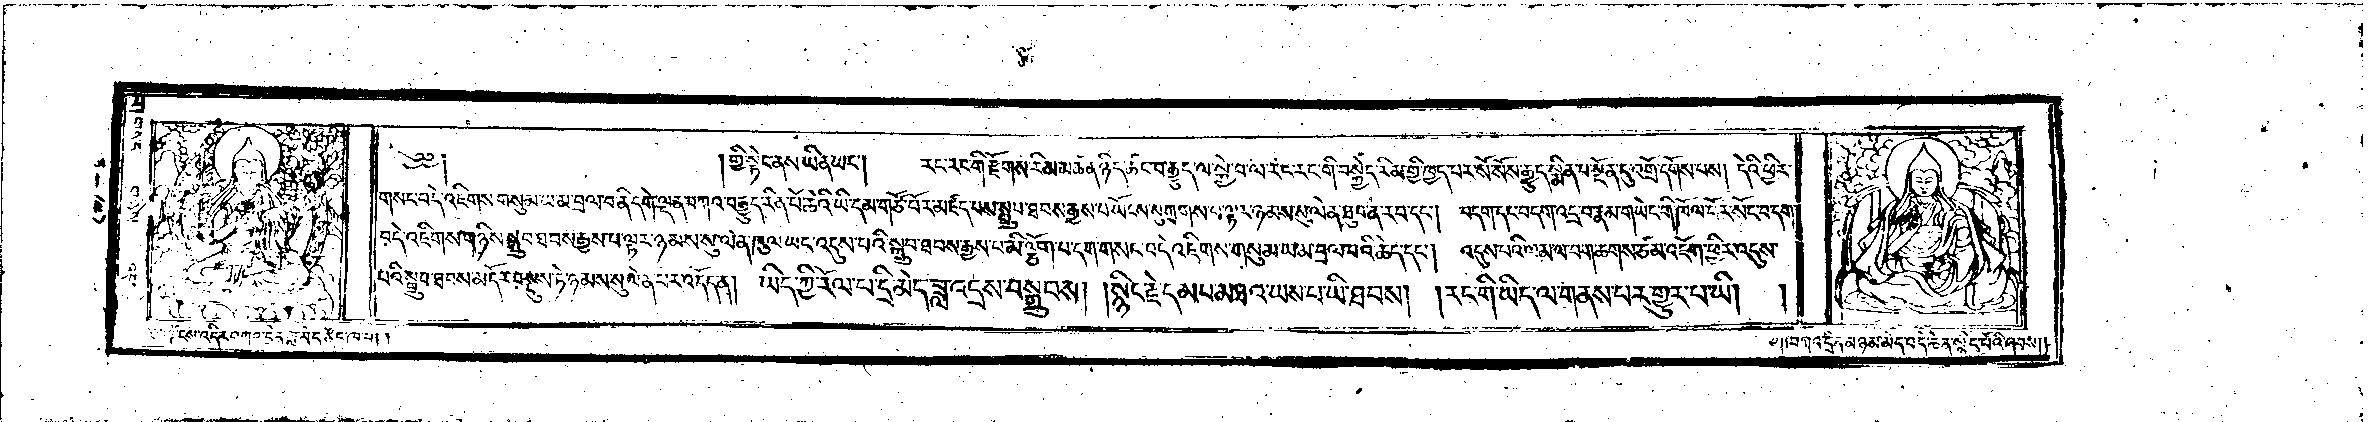༄༅། །གྱི་སྟེང་ནས་ཡིན་ཡང་། རང་རང་གི་རྫོགས་རིམ་མཚན་ཉིད་ཚང་བ་རྒྱུད་ལ་སྐྱེ་བ་ལ་རང་རང་གི་བསྐྱེད་རིམ་གྱི་ཁྱད་པར་སོ་སོ་རྒྱུད་སྨིན་པ་སྔོན་དུ་འགྲོ་དགོས་པས། དེའི་ཕྱིར་
གསང་བདེ་འཇིགས་གསུམ་ཡ་མ་བྲལ་བ་ནི་དགེ་ལྡན་བཀའ་བརྒྱུད་རིན་པོ་ཆེའི་ཡི་དམ་གཙོ་བོར་མཛད་པས་སྤྲུལ་ཐབས་རྒྱས་པ་ཡོངས་སུ་གྲགས་པ་ལྟར་ཉམས་སུ་ལེན་ཐུབ་ན་རབ་དང་། བདག་དང་བདག་འདྲ་བ་རྣམ་གཡེང་གི་ཁོལ་བོར་སོང་བདག་
བདེ་འཇིགས་གཉིས་སྒྲུབ་ཐབས་རྒྱས་པ་ལྟར་ཉམས་སུ་ལེན་ཁུལ་ཡང་འདུས་པའི་སྒྲུབ་ཐབས་རྒྱས་པ་མི་ལྕོག་པ་དག་གསང་བདེ་འཇིགས་གསུམ་ཡ་མ་བྲལ་པའི་ཆེད་དང་། འདུས་པའི་ལམ་ལ་བག་ཆགས་ཙམ་འཇོག་ཕྱིར་འདུས་
པའི་སྒྲུབ་ཐབས་མདོར་བསྡུས་ཏེ་ཉམས་སུ་ལེན་པར་འདོད་ན། ཡིད་ཀྱི་རོལ་པ་དྲི་མེད་ཟླ་འདྲས་བསྒྲུབས། །སྙིང་རྗེ་དམ་པ་མཐའ་ཡས་པ་ཡི་ཐབས། །རང་གི་ཡིད་ལ་གནས་པར་གྱུར་པ་ཡི། །